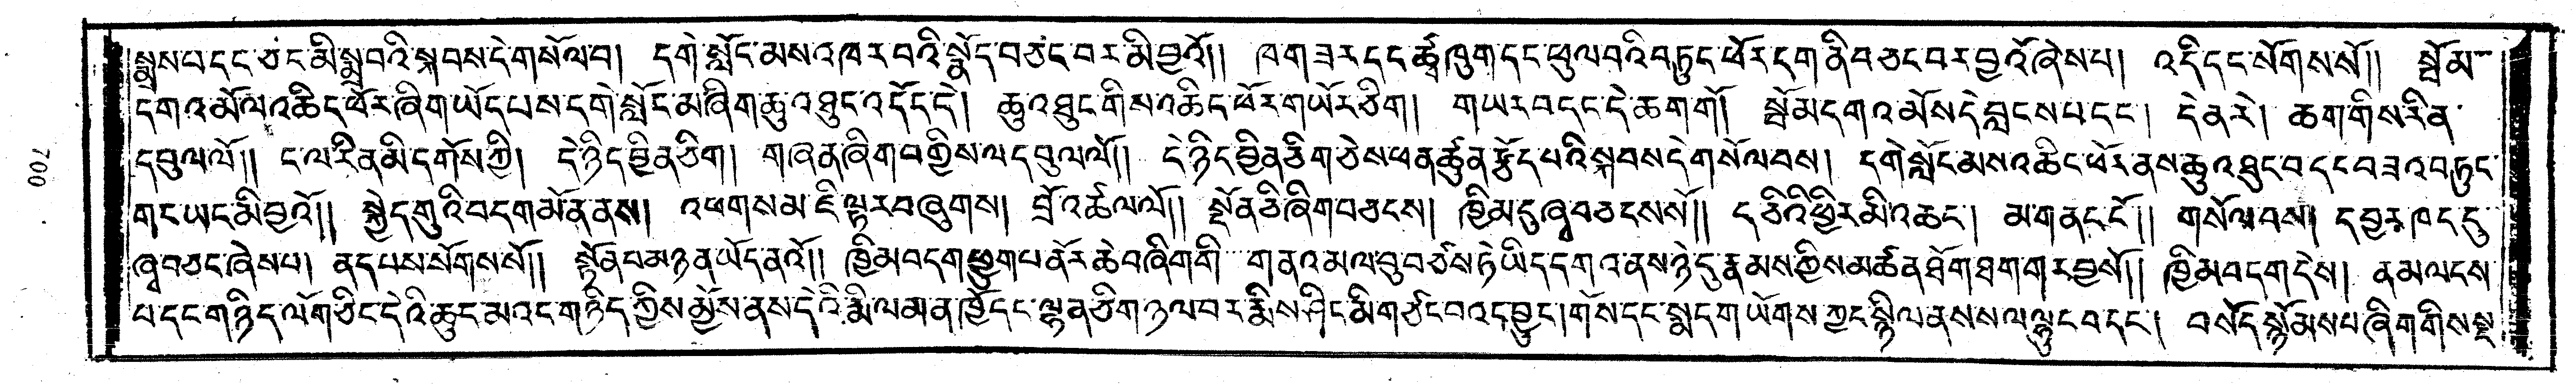སྨྲས་པ་དང་ཅང་མི་སྨྲ་བའི་སྐབས་དེ་གསོལ་བ། དགེ་སློང་མས་འཁར་བའི་སྣོད་བཅང་བར་མི་བྱའོ།། ཁ་གཟར་དང་ཚྭ་ཁུག་དང་ཕུལ་བའི་བཏུང་ཕོར་ངག་ནི་བཅང་བར་བྱའོ་ཞེས་པ། འདི་དང་སོགས་སོ།། སྦོམ་
དགའ་མོ་ལ་འཆིད་ཕོར་ཞིག་ཡོད་པས་དགེ་སློང་མ་ཞིག་ཆུ་འཐུང་འདོད་དེ། ཆུ་འཐུང་གིས་འཆིང་ཕོར་གཡོར་ཅིག། གཡར་བ་དང་དེ་ཆག་གོ། སྦོམ་དགའ་མོས་དེ་བླངས་པ་དང་། དེན་རེ། ཆག་གིས་རིན་
དབུལ་ལོ།། ང་ལ་རིན་མི་དགོས་ཀྱི། དེ་ཉིད་བྱིན་ཅིག། གཞན་ཞིག་བགྱིས་ལ་དབུལ་ལོ།། དེ་ཉིད་བྱིན་ཅིག་ཅེས་ཕན་ཚུན་རྩོད་པའི་སྐབས་དེ་གསོལ་བས། དགེ་སློང་མས་འཆིང་ཕོར་ནས་ཆུ་འཐུང་བ་དང་བཟའ་བཏུང་
གང་ཡང་མི་བྱའོ།། སྐྱེ་དགུའི་བདག་མོ་ན་ནས། འཕགས་མ་ཇི་ལྟར་བཞུགས། བྲོ་འཚལ་ལོ།། སྡོན་ཅི་ཞིག་བཅངས། ཁྱིམ་དུ་ཞྭ་བཅངས་སོ།། ད་ཅིའི་ཕྱིར་མི་འཆང་། མ་གནང་ངོ།། གསོལ་བས། དབྱར་ཁང་དུ་
ཞྭ་བཅང་ཞེས་པ། ནད་པས་སོགས་སོ།། སྟོན་པ་མཉན་ཡོད་ནའོ།། ཁྱིམ་བདག་ཕྱུག་པ་ནོར་ཆེ་བཞིག་གི་གནའ་མལ་བུ་བཙས་ཏེ་ཡིད་དགའ་ནས་ཉེ་དུ་རྣམས་ཀྱིས་མཚན་ཐོག་ཐག་གར་བྱ་སོ།། ཁྱིམ་བདག་དེས། ནམ་ལངས་
པ་དང་གཉིད་ལོག་ཅིང་དེའི་ཆུང་མའང་གཉིད་ཀྱིས་མྱོས་ནས་དེའི་རྨི་ལམ་ན་ཁྱོ་དང་ལྷན་ཅིག་ཉལ་བར་རྨིས་ཤིང་མི་གཙང་བའང་བྱུང་། གོས་དང་སྨད་གཡོགས་ཀྱང་སྙིལ་ནས་ས་ལ་ལྷུང་བ་དང་། བསོད་སྙོམས་པ་ཞིག་གིས་སྡ་